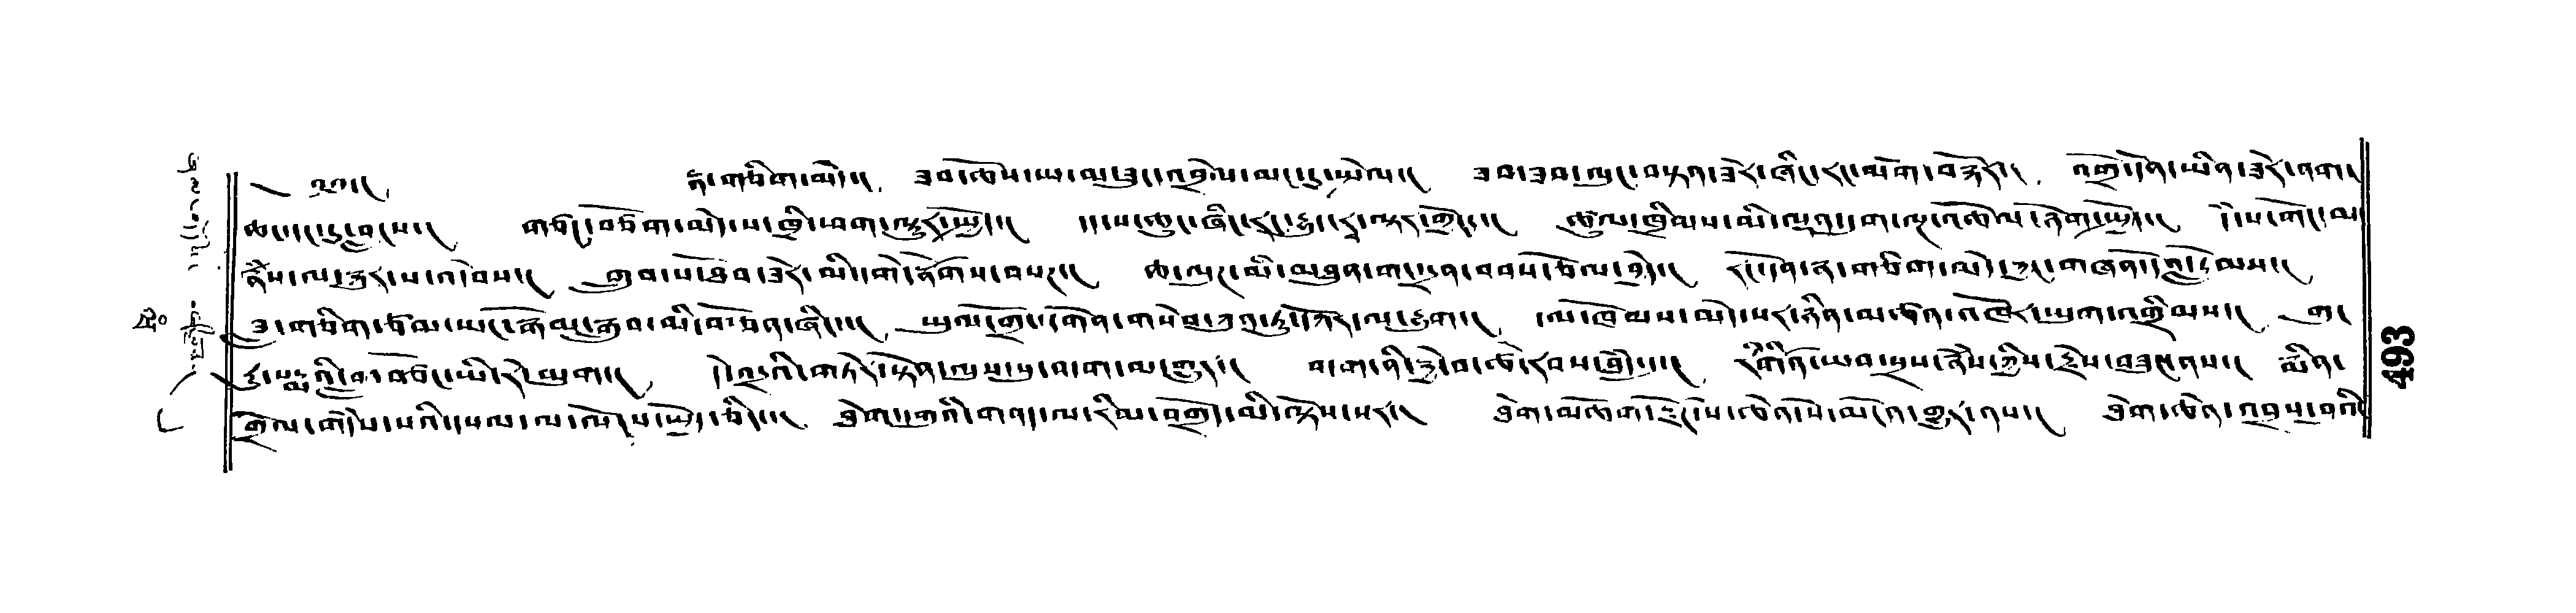སྣ་གཅིག་མེད། ཟབ་ཆོས་ཡ་མ་ཟུང་འབྲེལ་མང་དུ་སྤེལ། །ཟབ་ཟབ་ལུང་བསྟན་ཟེར་ཞིང་རང་མགོ་བསྐོར། །འགྲོ་དོན་ཡིན་ཟེར་ནག་
ཆང་དང་དུ་བླངས། །གཙང་བཙོག་མེད་པ་ཁྱི་ཕག་ལྟ་བུར་སྤྱོད། །དད་པ་ཆུང་ཞིང་རང་རྒྱུད་རྭ་ལྟར་གྱོང་། །ཚུལ་ཁྲིམས་མི་ལྡན་དུག་ལྔ་འཆོལ་ཉོག་སྤྱོད། །དམ་པ་གོང་མ་
རྣམས་ལ་སྐུར་པ་འདེབས། །གྲུབ་པ་ཐོབ་ཟེར་མི་དགེ་སྣ་ཚོགས་གསོག །ཆ་ལུགས་མི་མཐུན་གང་དྲན་བབ་ཅོལ་བྱེད། །རང་དོན་སྣ་གཅིག་མེད་ཀྱང་གཞན་དོན་རློམས། །
ཟླ་གཅིག་ཙམ་ཡང་སྒོམ་སྒྲུབ་མི་བརྩོན་ཞིང་། །ཡུལ་གྲོང་དགོན་གསེབ་ཀུན་ཏུ་དཀོར་ལ་རྒྱུག །དལ་ཁོམས་མེད་པར་ཉིན་མཚན་འཁོར་ཡུག་འགྲིམས། །གུ་
རུ་པདྨའི་བླ་བཙོང་ཡི་རེ་མུག །དེ་འདྲའི་གཏེར་སྟོན་ལུས་སུ་བདག་མ་གྱུར། །བདག་ནི་སྐྱེ་བ་ཚེ་རབས་ཐམས་ཅད་དུ། །རིག་འཛིན་ཡབ་སྲས་རྣམས་ཀྱིས་རྗེས་བཟུང་ནས། །སྨིན་
གྲོལ་གདམས་པའི་དཔལ་ལ་ལོངས་སྤྱོད་ཅིང་། ཐེག་དགུའི་གནད་ལ་རིམ་བགྲོད་མི་ལྟོས་པར། །ཐེག་མཆོག་རྫོགས་པ་ཆེན་པོ་མངོན་གྱུར་ནས། །ཐེག་ཆེན་འབྲས་བུའི་